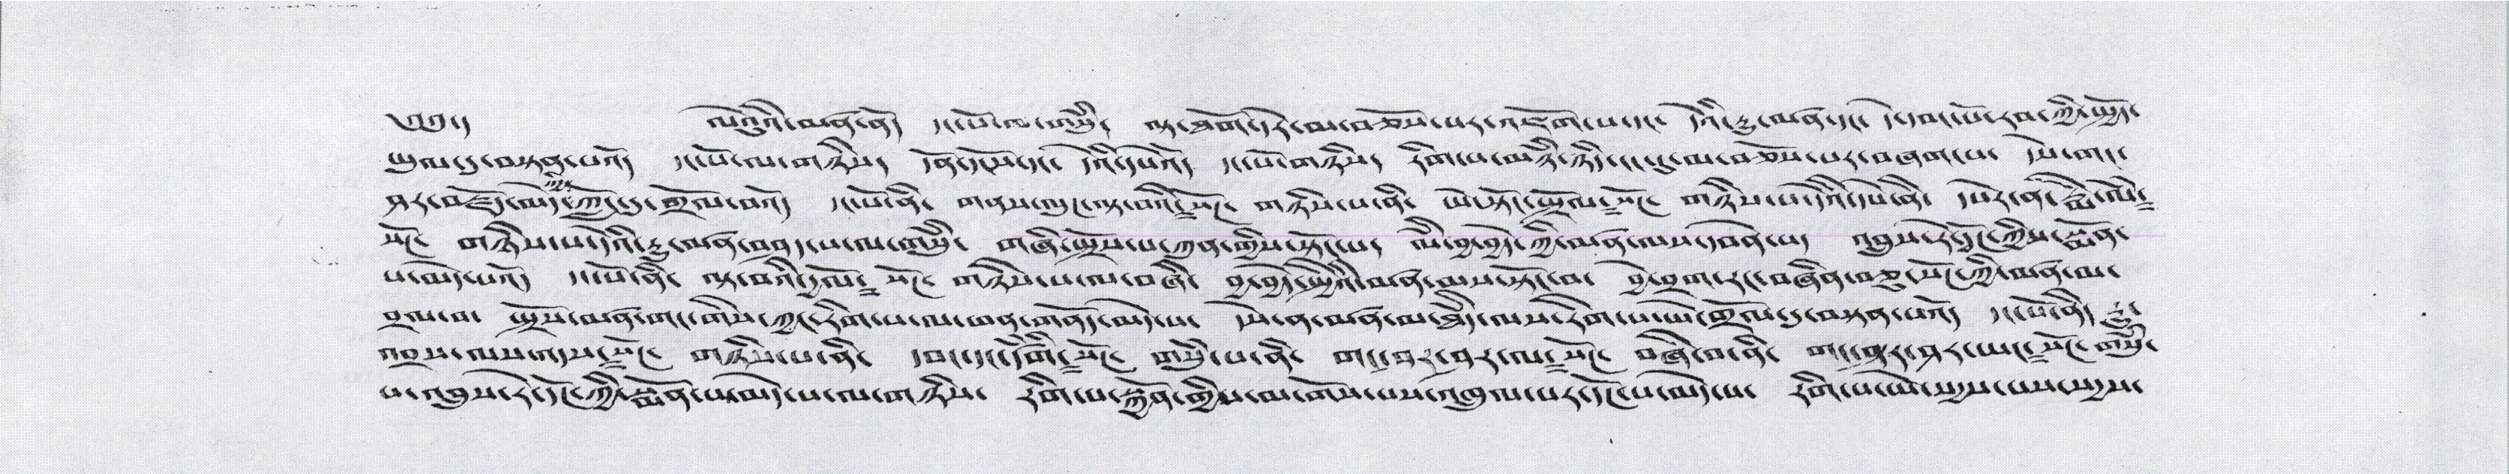ལེའུའི་མཚན་ནོ། དང་པོ་ལ་གསུམ། ལྟ་ཐོག་དེར་མ་བཅོས་པར་འཇོག་པ་དང་། དེའི་རྒྱུ་མཚན་དང་། དེ་དབང་པོ་རབ་ཀྱི་སྤྱོད་
ཡུལ་དུ་བསྟན་པའོ། དང་པོ་ལ་གཉིས། དོན་དངོས་དང་། དེའི་དཔེའོ། དང་པོ་ལ་གཉིས། རིག་པ་མཉམ་ཉིད་ཀྱི་ངང་དུ་མ་བཅོས་པར་བཞག་པ། དེས་གང་
ཤར་བརྗོད་མེད་ཀྱི་ཀློང་དུ་གྲོལ་བའོ། དང་པོ་ནི། གནས་ལུགས་ལྟ་བའི༑ སོགས། གཉིས་པ་ནི། ཡེ་སྟོང་སྤྲོས་བྲལ༑ སོགས། གཉིས་པ་དེའི་དཔེ་ནི། དཔེར་ན་རྨི་ལམ༑ 
སོགས། གཉིས་པ་དེའི་རྒྱུ་མཚན་བཤད་པ་ལ་གསུམ། གཞི་སྤྲོས་པ་ཀུན་གྱིས་སྟོང་པ། ལམ་བྱ་བྱེད་ཀྱི་མཚན་མས་དབེན་པ། འབྲས་བུ་རེ་དྭོགས་ཀྱིས་སྨོན་
པ་མེད་པའོ། དང་པོ་ནི། ལྟ་བའི་རྒྱལ་པོ༑ སོགས། གཉིས་པ་ལ་བཞི། བྱ་བྱེད་སྤྱི་ཡི་མཚན་མས་སྟོང་པ། བྱེ་བྲག་རང་བཞིན་བཅུ་སོགས་ཀྱི་མཚན་མ་
བྲལ་བ། སྤྲོས་མཚན་གང་གིས་ཀྱང་རིག་པ་ལ་ཕན་གནོད་མེད་པ། དེས་ན་མཚན་མ་ཐམས་ཅད་ལས་རིག་པ་ཡེ་གྲོལ་དུ་བསྟན་པའོ། དང་པོ་ནི་རྒྱུ་
འབྲས་ལས་འདས༑ སོགས། གཉིས་པ་ནི། དབང་དང་དམ་ཚིག༑ སོགས། གསུམ་པ་ནི། གང་ཤར་ཤར་ལ༑ སོགས། བཞི་པ་ནི་གང་ལྟར་ཤར་ཡང་༑ སོགས། གསུམ་
པ་འབྲས་བུ་རེ་དྭོགས་ཀྱི་སྨོན་པ་མེད་པ་ལ་གཉིས། རིག་པ་སྐྱོན་གྱིས་མ་གོས་པས་འཁྲུལ་པར་དྭོགས་པ་མེད་པ། རིག་པ་ཡེ་སངས་རྒྱས་པས་སངས་རྒྱས་